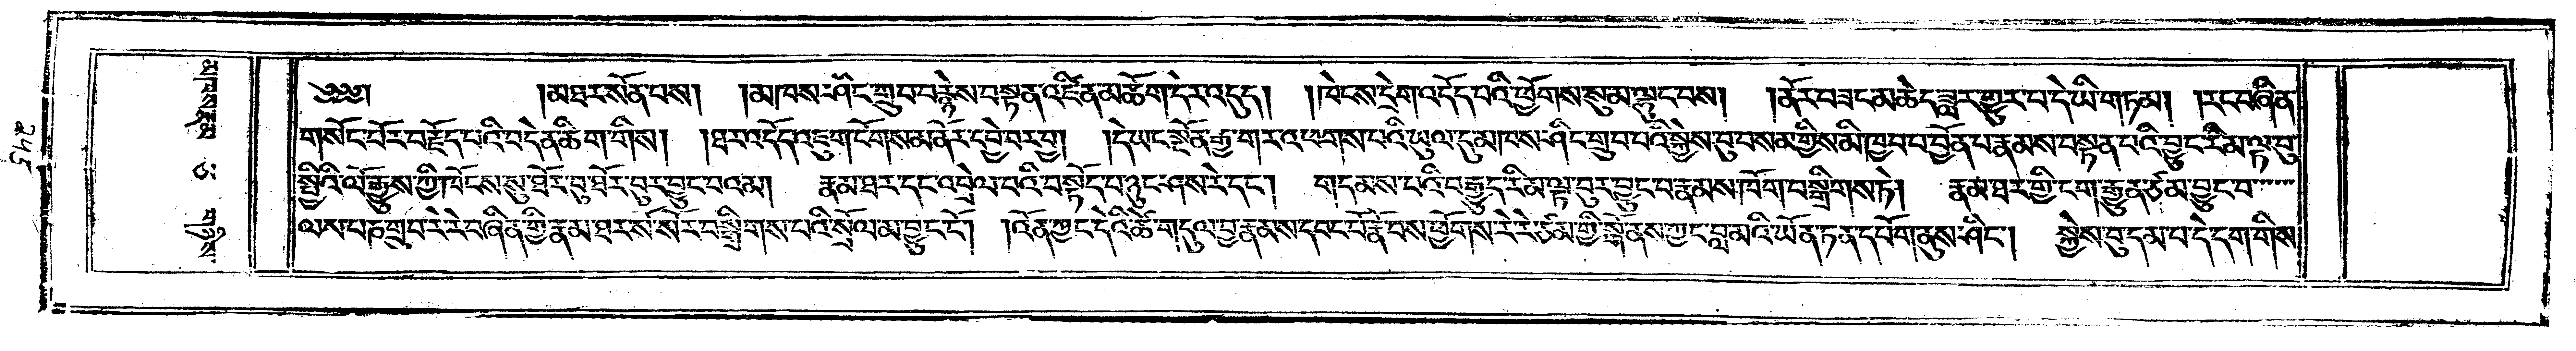༄༅༅། །མཐར་སོན་པས། །མཁས་པས་ཤིང་གྲུབ་བསྙེས་བསྟན་འཛིན་མཆོག་དེར་འདུད། །ཁེངས་དྲེག་འདོད་པའི་ཕྱོགས་སུམ་ལྷུང་བས། །ནོར་བཟང་བ་ཆེད་ཟླར་གྱུར་པ་དེ་ཡི་གཏམ། །རང་བཞིན་
གསོང་པོར་བརྗོད་པའི་བདེན་ཚིག་གིས། །ཐར་འདོད་འཇུག་ངོགས་མ་ནོར་དབྱེ་བར་བྱ། །དེ་ཡང་སྔོན་རྒྱ་གང་འཕགས་པའི་ཡུལ་དུ་མཁས་ཤིང་གྲུབ་པའི་སྐྱེས་བུ་བསམ་གྱིས་མི་ཁྱབ་པ་བྱོན་པ་རྣམས་བསྟན་པའི་བྱུང་རིམ་ལྟ་བུ་
སྤྱིའི་ལོ་རྒྱུས་ཀྱི་ཁོངས་སུ་ཐོར་བུ་ཐོར་བུར་བྱུང་བའམ། རྣམ་ཐར་དང་འབྲེལ་བའི་བསྟོད་པ་ཉུང་ཤས་རེ་དང་། གདམས་པའི་བརྒྱུད་རིམ་ལྟ་བུར་བྱུང་བ་རྣམས་ཁོག་བསྒྲིགས་ཏེ། རྣམ་ཐར་གྱི་ངག་རྒྱུན་ཙམ་བྱུང་བ་
ལས་པཎ་གྲུབ་རེ་རེ་བཞིན་གྱི་རྣམ་ཐར་སོ་སོར་བསྒྲིགས་པའི་སྲོལ་མ་བྱུང་ངོ། །འོན་ཀྱང་དེའི་ཚེ་གདུལ་བྱ་རྣམས་དབང་པོ་རྣོ་བས་ཕྱོགས་རེ་རེ་ཙམ་གྱི་སྒོ་ནས་ཀྱང་བླ་མའི་ཡོན་ཏན་དཔོག་ནུས་ཤིང་། སྐྱེས་བུ་དམ་པ་དེ་དག་གིས་